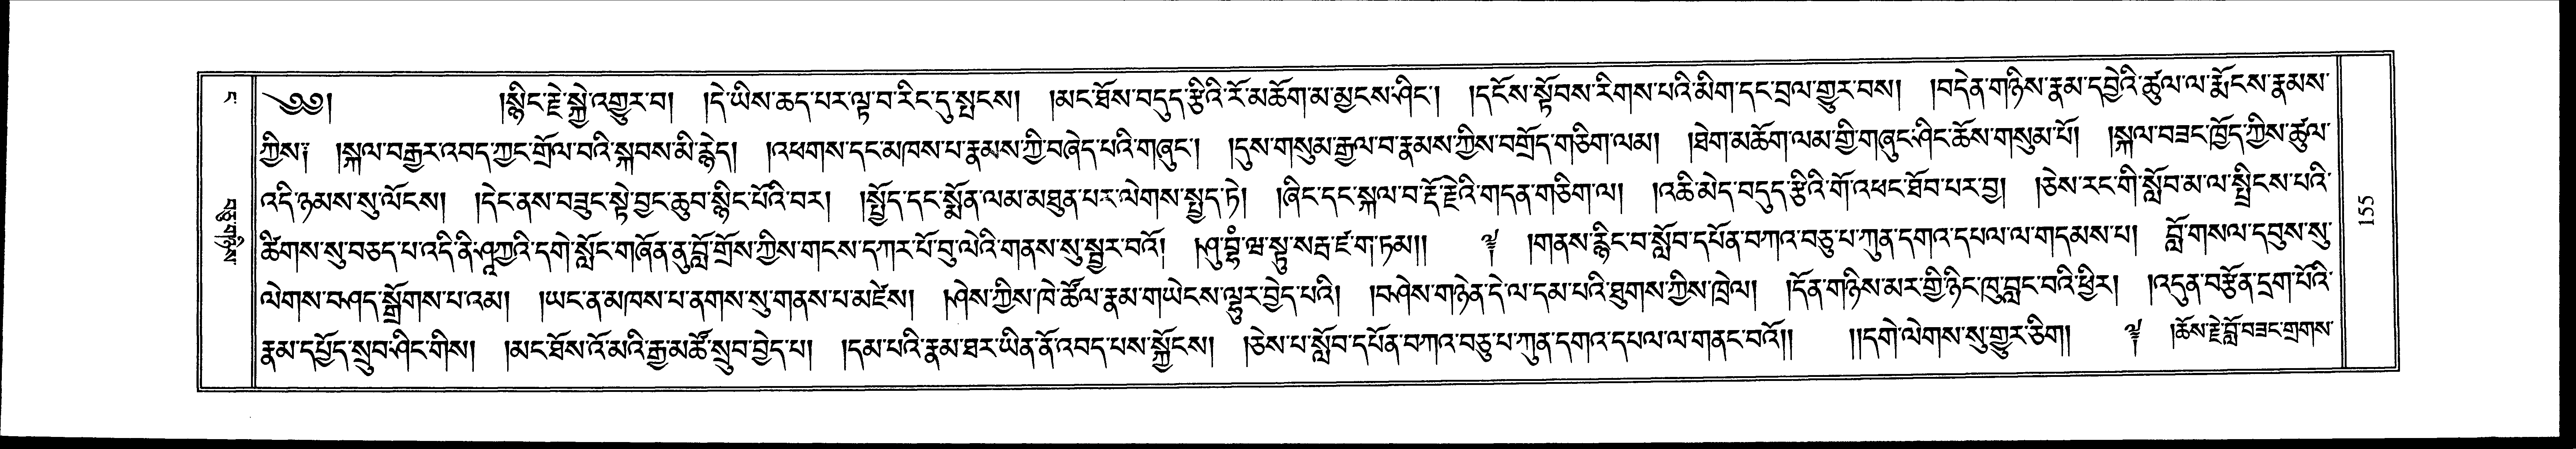༄༅། །སྙིང་རྗེ་སྐྱེ་འགྱུར་བ། །དེ་ཡིས་ཆད་པར་ལྟ་བ་རིང་དུ་སྤངས། །མང་ཐོས་བདུད་རྩིའི་རོ་མཆོག་མ་མྱངས་ཤིང་། །དངོས་སྟོབས་རིགས་པའི་མིག་དང་བྲལ་གྱུར་བས། །བདེན་གཉིས་རྣམ་དབྱེའི་ཚུལ་ལ་རྨོངས་རྣམས་
ཀྱིས། །སྐལ་བརྒྱར་འབད་ཀྱང་གྲོལ་བའི་སྐབས་མི་རྙེད། །འཕགས་དང་མཁས་པ་རྣམས་ཀྱི་བཞེད་པའི་གཞུང་། །དུས་གསུམ་རྒྱལ་བ་རྣམས་ཀྱིས་བགྲོད་གཅིག་ལམ། །ཐེག་མཆོག་ལམ་གྱི་གཞུང་ཤིང་ཆོས་གསུམ་པོ། །སྐལ་བཟང་ཁྱོད་ཀྱིས་ཚུལ་
འདི་ཉམས་སུ་ལོངས། །དེང་ནས་བཟུང་སྟེ་བྱང་ཆུབ་སྙིང་པོའི་བར། །སྤྱོད་དང་སྨོན་ལམ་མཐུན་པར་ལེགས་སྤྱད་ཏེ། །ཞིང་དང་སྐལ་བ་རྡོ་རྗེའི་གདན་གཅིག་ལ། །འཆི་མེད་བདུད་རྩིའི་གོ་འཕང་ཐོབ་པར་བྱ། །ཅེས་རང་གི་སློབ་མ་ལ་སྤྲིངས་པའི་
ཚིགས་སུ་བཅད་པ་འདི་ནི་ཤཱཀྱའི་དགེ་སློང་གཞོན་ནུ་བློ་གྲོས་ཀྱིས་གངས་དཀར་པོ་བུ་ལེའི་གནས་སུ་སྦྱར་བའོ། །ཤུ་བྷཾ་ཝ་སྟུ་སརྦ་ཛ་ག་ཏམ།། ༈ །གནས་རྙིང་བ་སློབ་དཔོན་བཀའ་བཅུ་པ་ཀུན་དགའ་དཔལ་ལ་གདམས་པ། བློ་གསལ་དབུས་སུ་
ལེགས་བཤད་སྒྲོགས་པ་འམ། །ཡང་ན་མཁས་པ་ནགས་སུ་གནས་པ་མཛེས། །ཤེས་ཀྱིས་ཁེ་ཚོལ་རྣམ་གཡེངས་ལྷུར་བྱེད་པའི། །བཤེས་གཉེན་དེ་ལ་དམ་པའི་ཐུགས་ཀྱིས་ཁྲེལ། །དོན་གཉིས་མར་གྱི་ཉིང་ཁུ་བླང་བའི་ཕྱིར། །འདུན་བརྩོན་དྲག་པོའི་
རྣམ་དཔྱོད་སྲུབ་ཤིང་གིས། །མང་ཐོས་འོ་མའི་རྒྱ་མཚོ་སྲུབ་བྱེད་པ། །དམ་པའི་རྣམ་ཐར་ཡིན་ནོ་འབད་པས་སྐྱོངས། །ཅེས་པ་སློབ་དཔོན་བཀའ་བཅུ་པ་ཀུན་དགའ་དཔལ་ལ་གནང་བའོ།། །།དགེ་ལེགས་སུ་གྱུར་ཅིག། ༈ །ཆོས་རྗེ་བློ་བཟང་གྲགས་